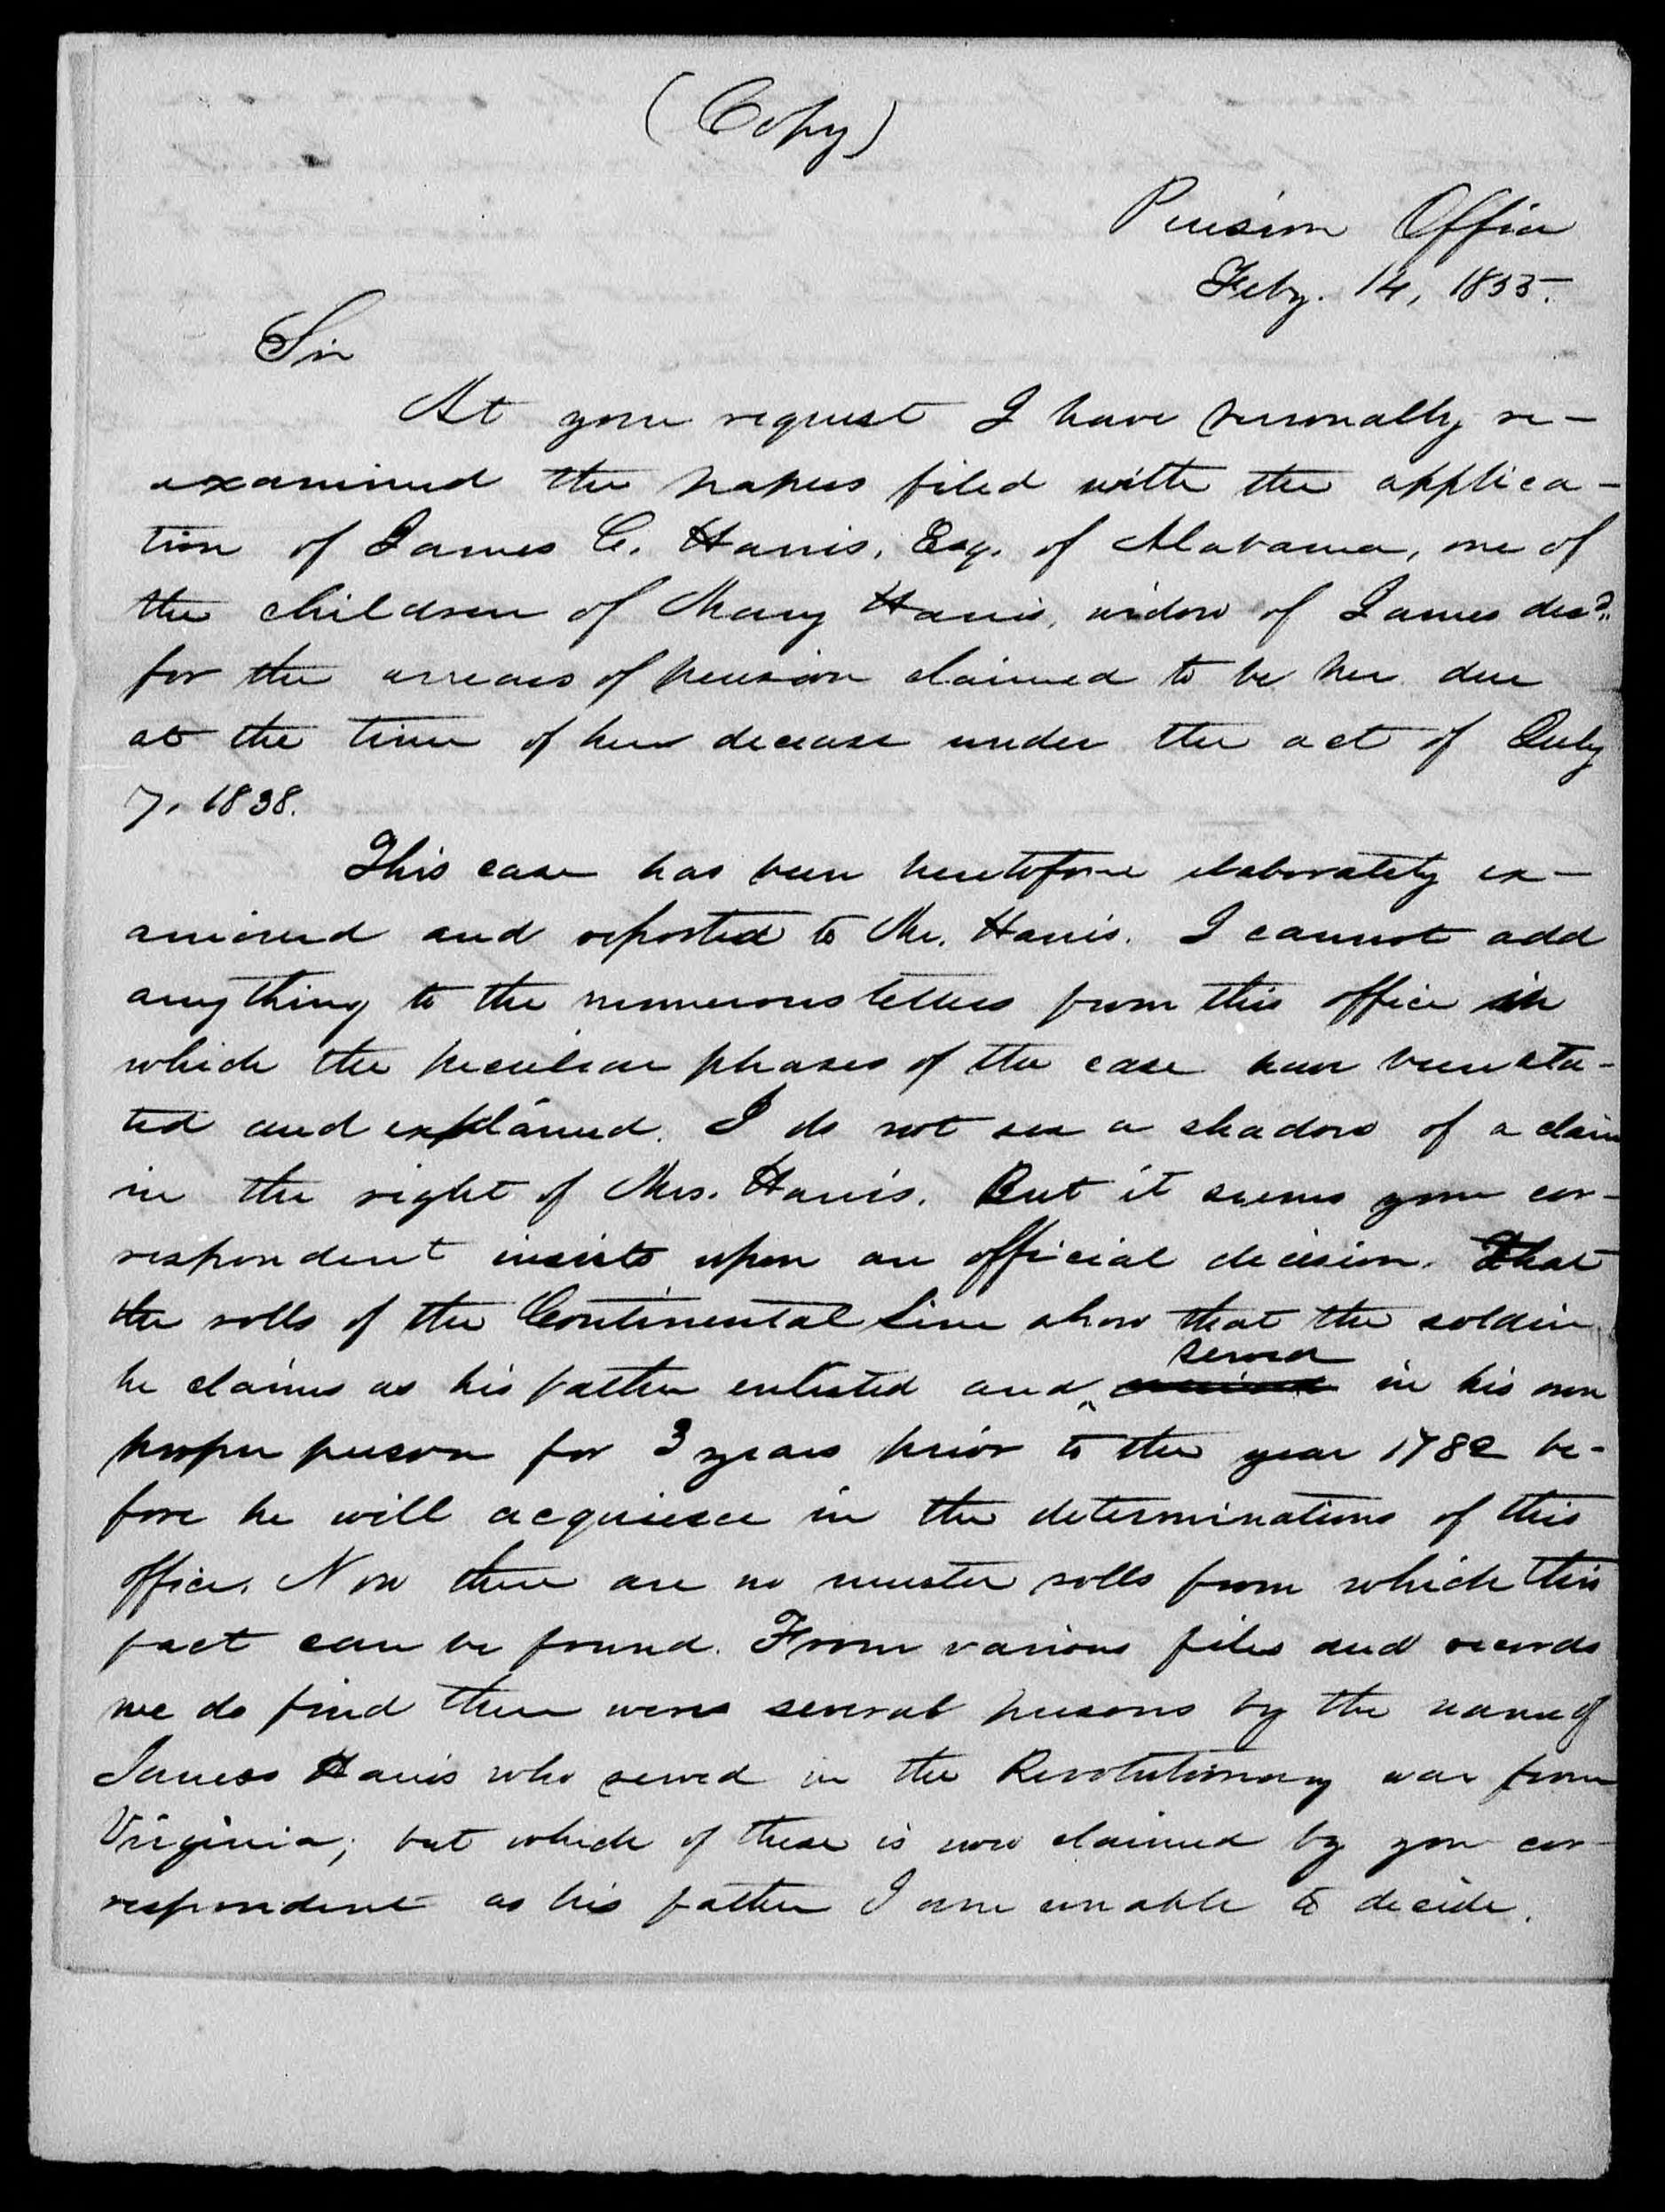(Copy)
Pension Office
Feby. 14, 1855

Sir
At your request I have personally re-examined the papers filed with the application of James C. Harris, Esq. of Alabama, one of the children of Mary Harris, widow of James decd. for the arrears of pension claimed to be her due at the time of her decease under the act of July 7, 1838.
This case has been heretofore elaborately examined and reported to Mr. Harris.  I cannot add anything to the numerous letters from this office in which the peculiar phases of the case have been [?] and explained.  I do not see a shadow of a claim in the right of Mrs. Harris.  But it seems your correspondent insists upon an official decision.  that the rolls of the Continental Line show that the soldier he claims as his father enlisted and served in his own proper person for 3 years prior to the year 1782 before he will acquiesce in the determinations of this office.  Now there are no muster rolls from which this fact can be found.  From various files and records we do find there were several persons by the name of James Harris who served in the Revolutionary war from Virginia, but which of these is now claimed by your correspondent as his father I am unable to decide.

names: James Harris, Harris, Mary Harris, Harris, James C Harris, James Harris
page: 89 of 160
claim: rejected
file: R. 4666, James Harris, Va.